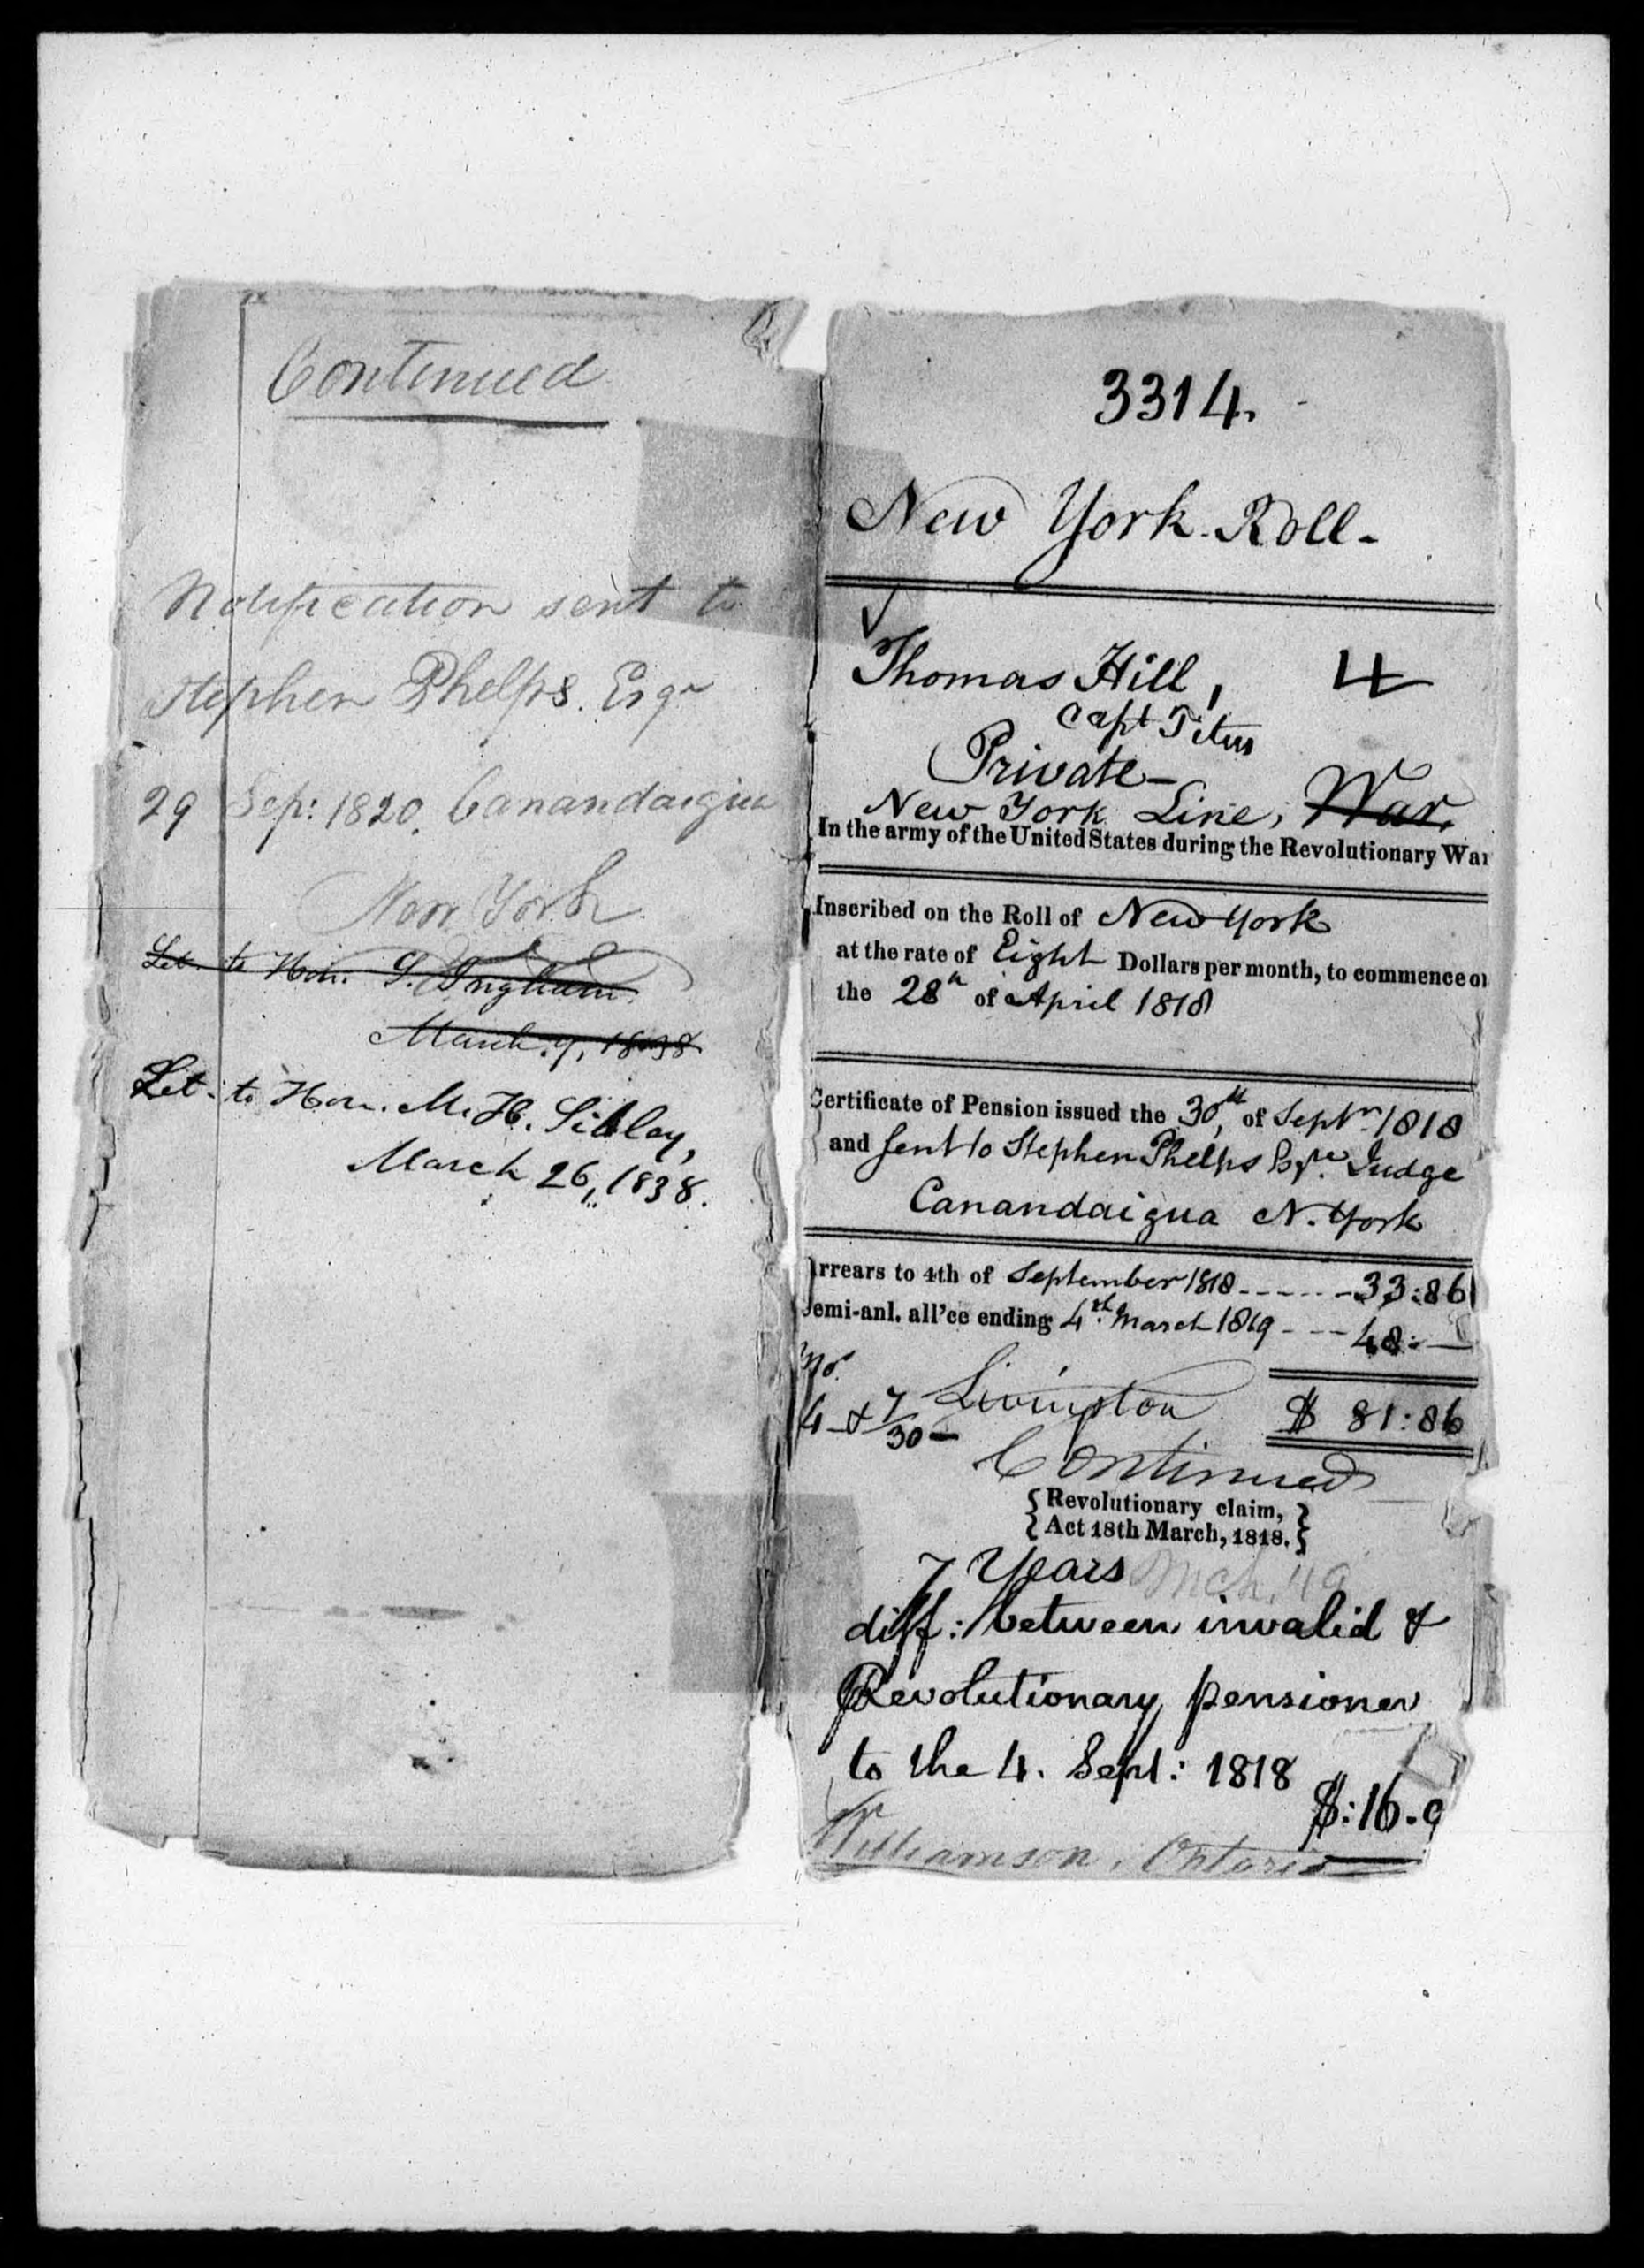[Folded Folio with handwritten and printed type]
[Right side]
3314
New York Roll.
Thomas Hill, [two check marks[
Capt Titus
Private-
New York Line, [crossed out] War
[printed type] In the army of the United States during the Revolutionary War
Inscribed on the Roll of [handwritten] New York
[printed type] at the rate of [handwritten] eight
[printed type] Dollars per month, to commence on the [handwritten] 28th of April 1818
[Printed type] Certificate of Pension issued the [handwritten] 30th of Sept. 1818 and sent to Stephen Phelps Esqr Judge
Canandaigua N. York
[Printed type] Arrears to 4th of [handwritten] September 1818----33:86
[Printed type] Semi-anl. all'ce ending [handwritten] 4th March 1819---48:--
[double lines to signify total] $81:86
[Signature next to total] Livingston
[illegible numeric notations]
[handwritten] Continued
[Stamped in curved brackets] Revolutionary claim, Act 18th March, 1818
[Handwritten below in ink] 7 years [later pencilled note] Mch, '19
[Handwritten in ink] diff: between invalid and Revolutionary pensioner to the 4. Sept: 1818 $:16.[illegible and cutoff]
[In light ink on bottom ragged edge] Williamson, Ontari[illegible]

[Left page/Back of folio]
Handwritten] Continued [underlined]
Notification sent to Stephen Phelps Esqr
29 Sept: 1820. Canandaigua
New York
[crossed out] Let. to Hon. G. Ingham  March. 4, 18[illegible]
[handwritten]
Let. to Hon M. H. Sibley,
March 26, 1838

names: T Ingham, Stephen Philps, Titus, M H Sibley, Thomas Hill, Stephen Phelps, Livington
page: 6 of 31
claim: survivor's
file: S. 43672, Thomas Hill, New York